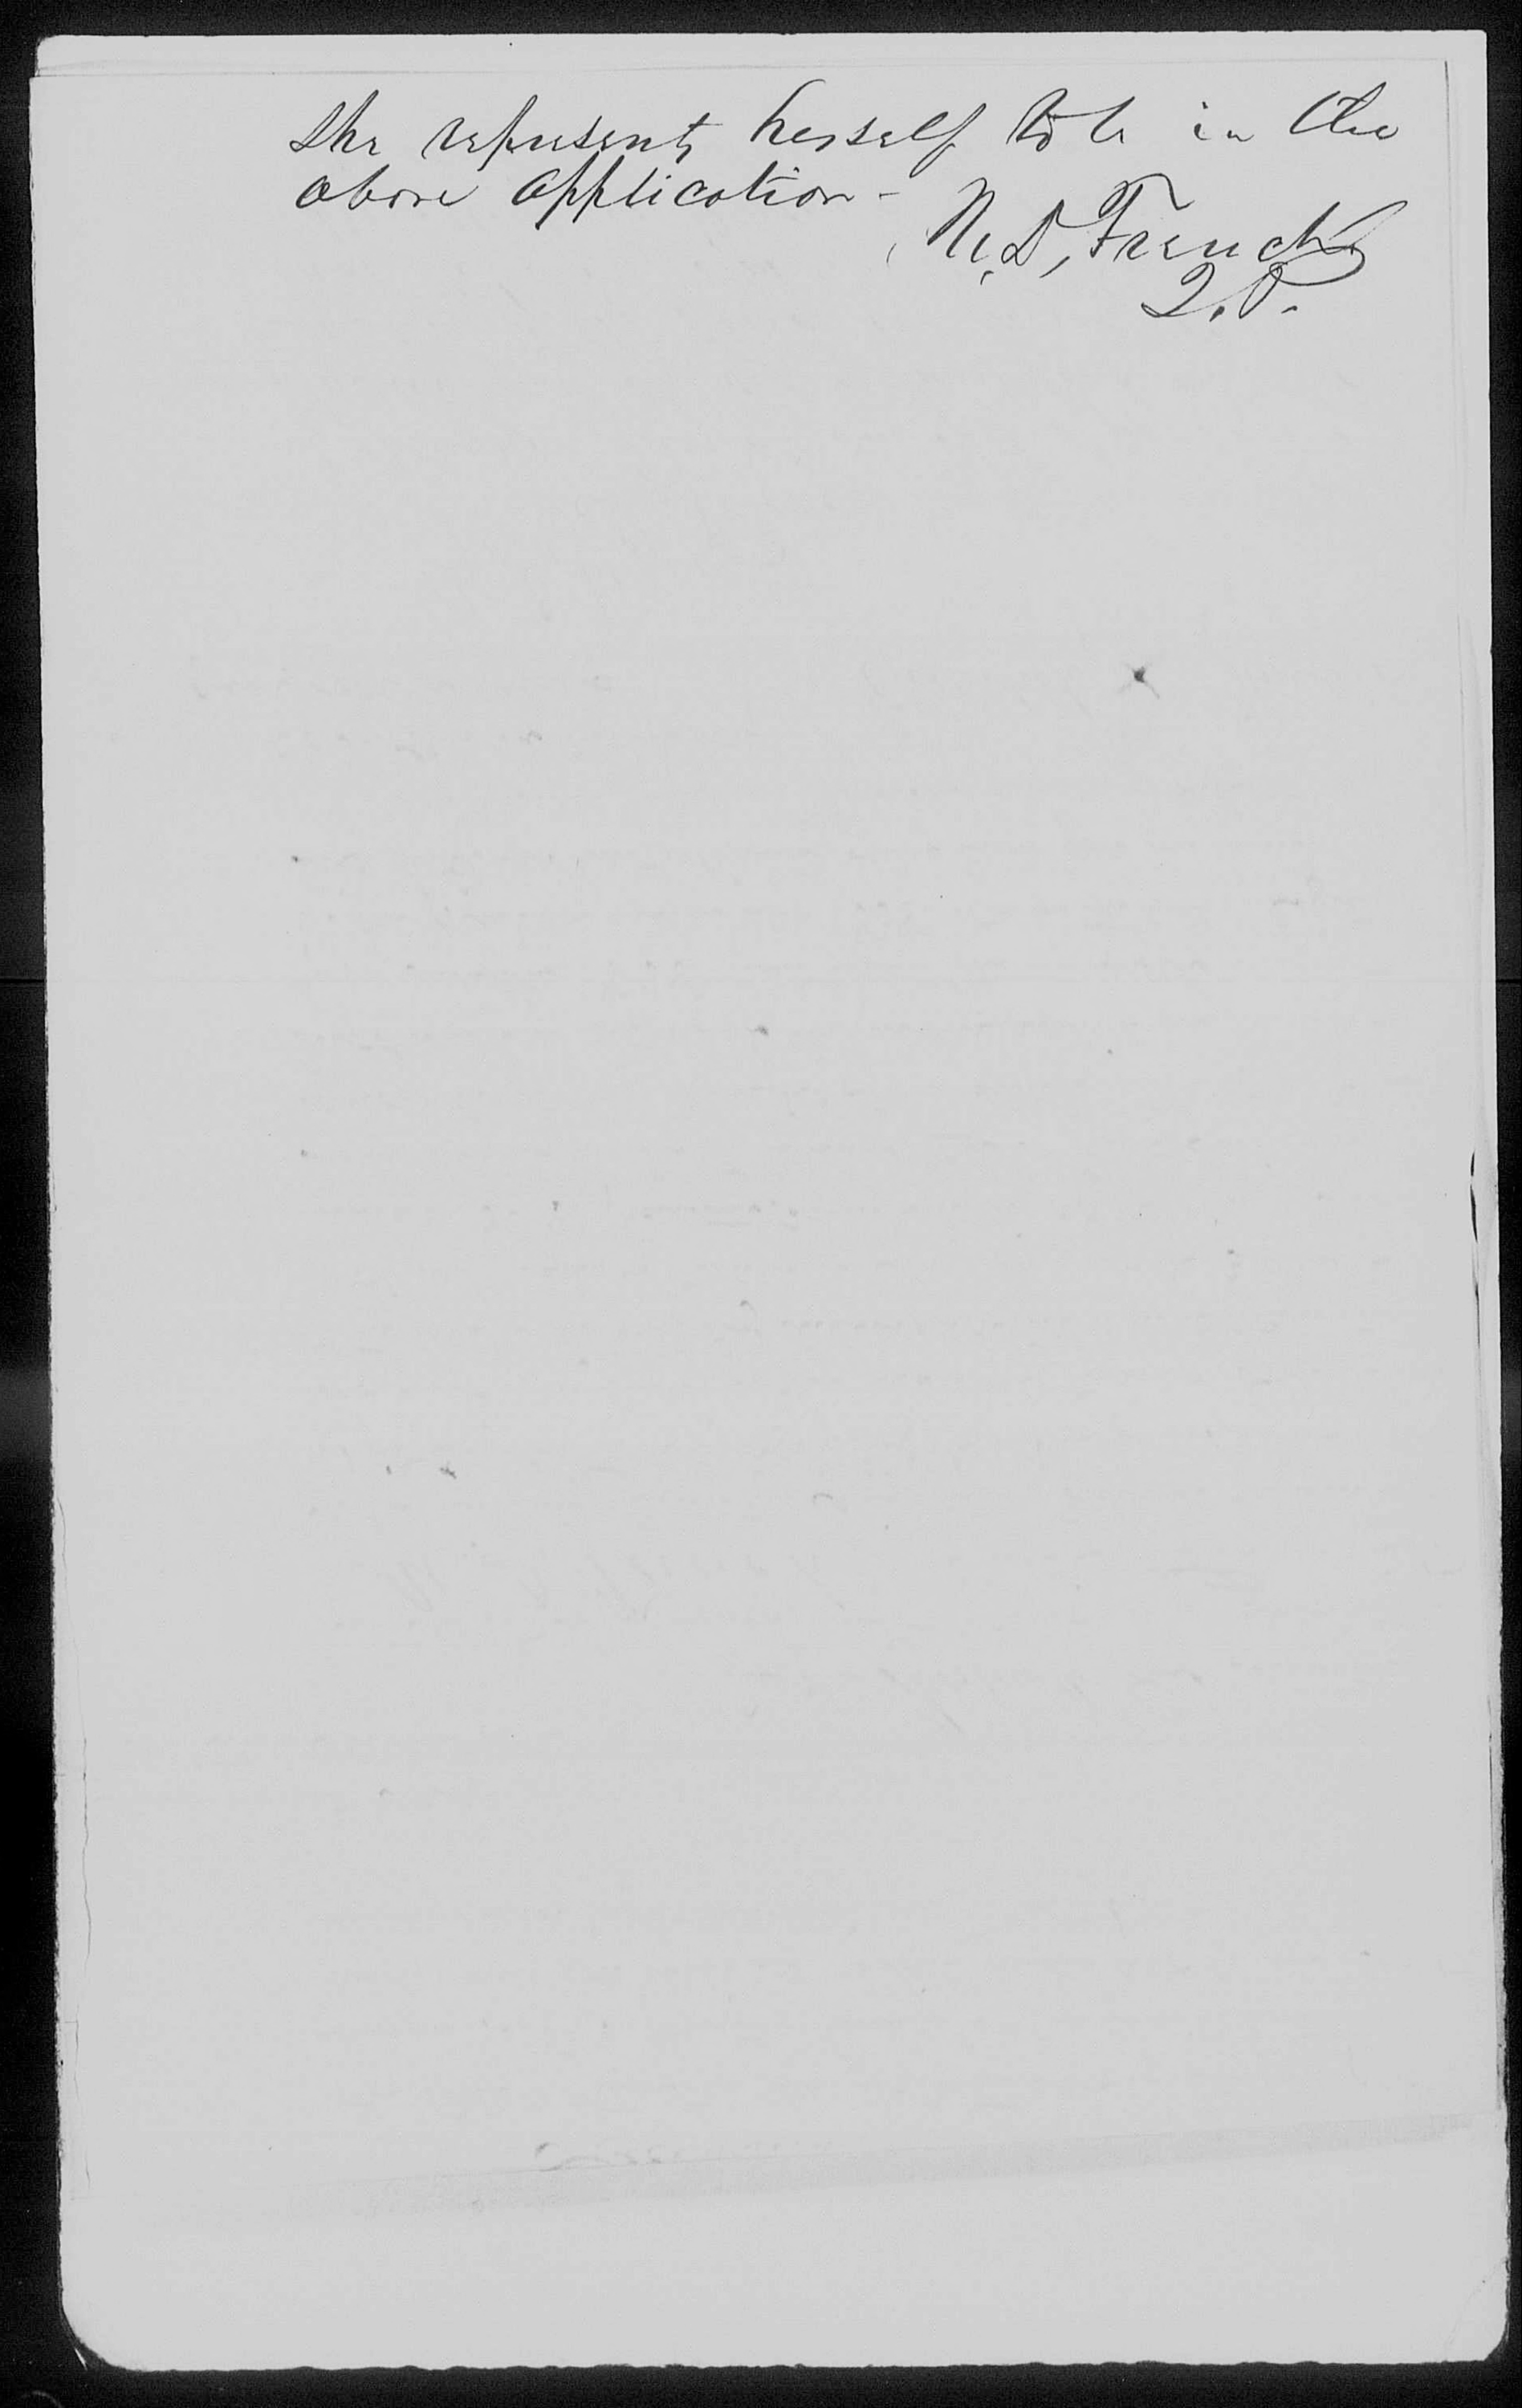she represents herself to be in the
above application-
                                       U. D. French
                                                J. P.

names: U D French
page: 51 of 56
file: [ILLEGIBLE], Jonah Benedict, Conn.